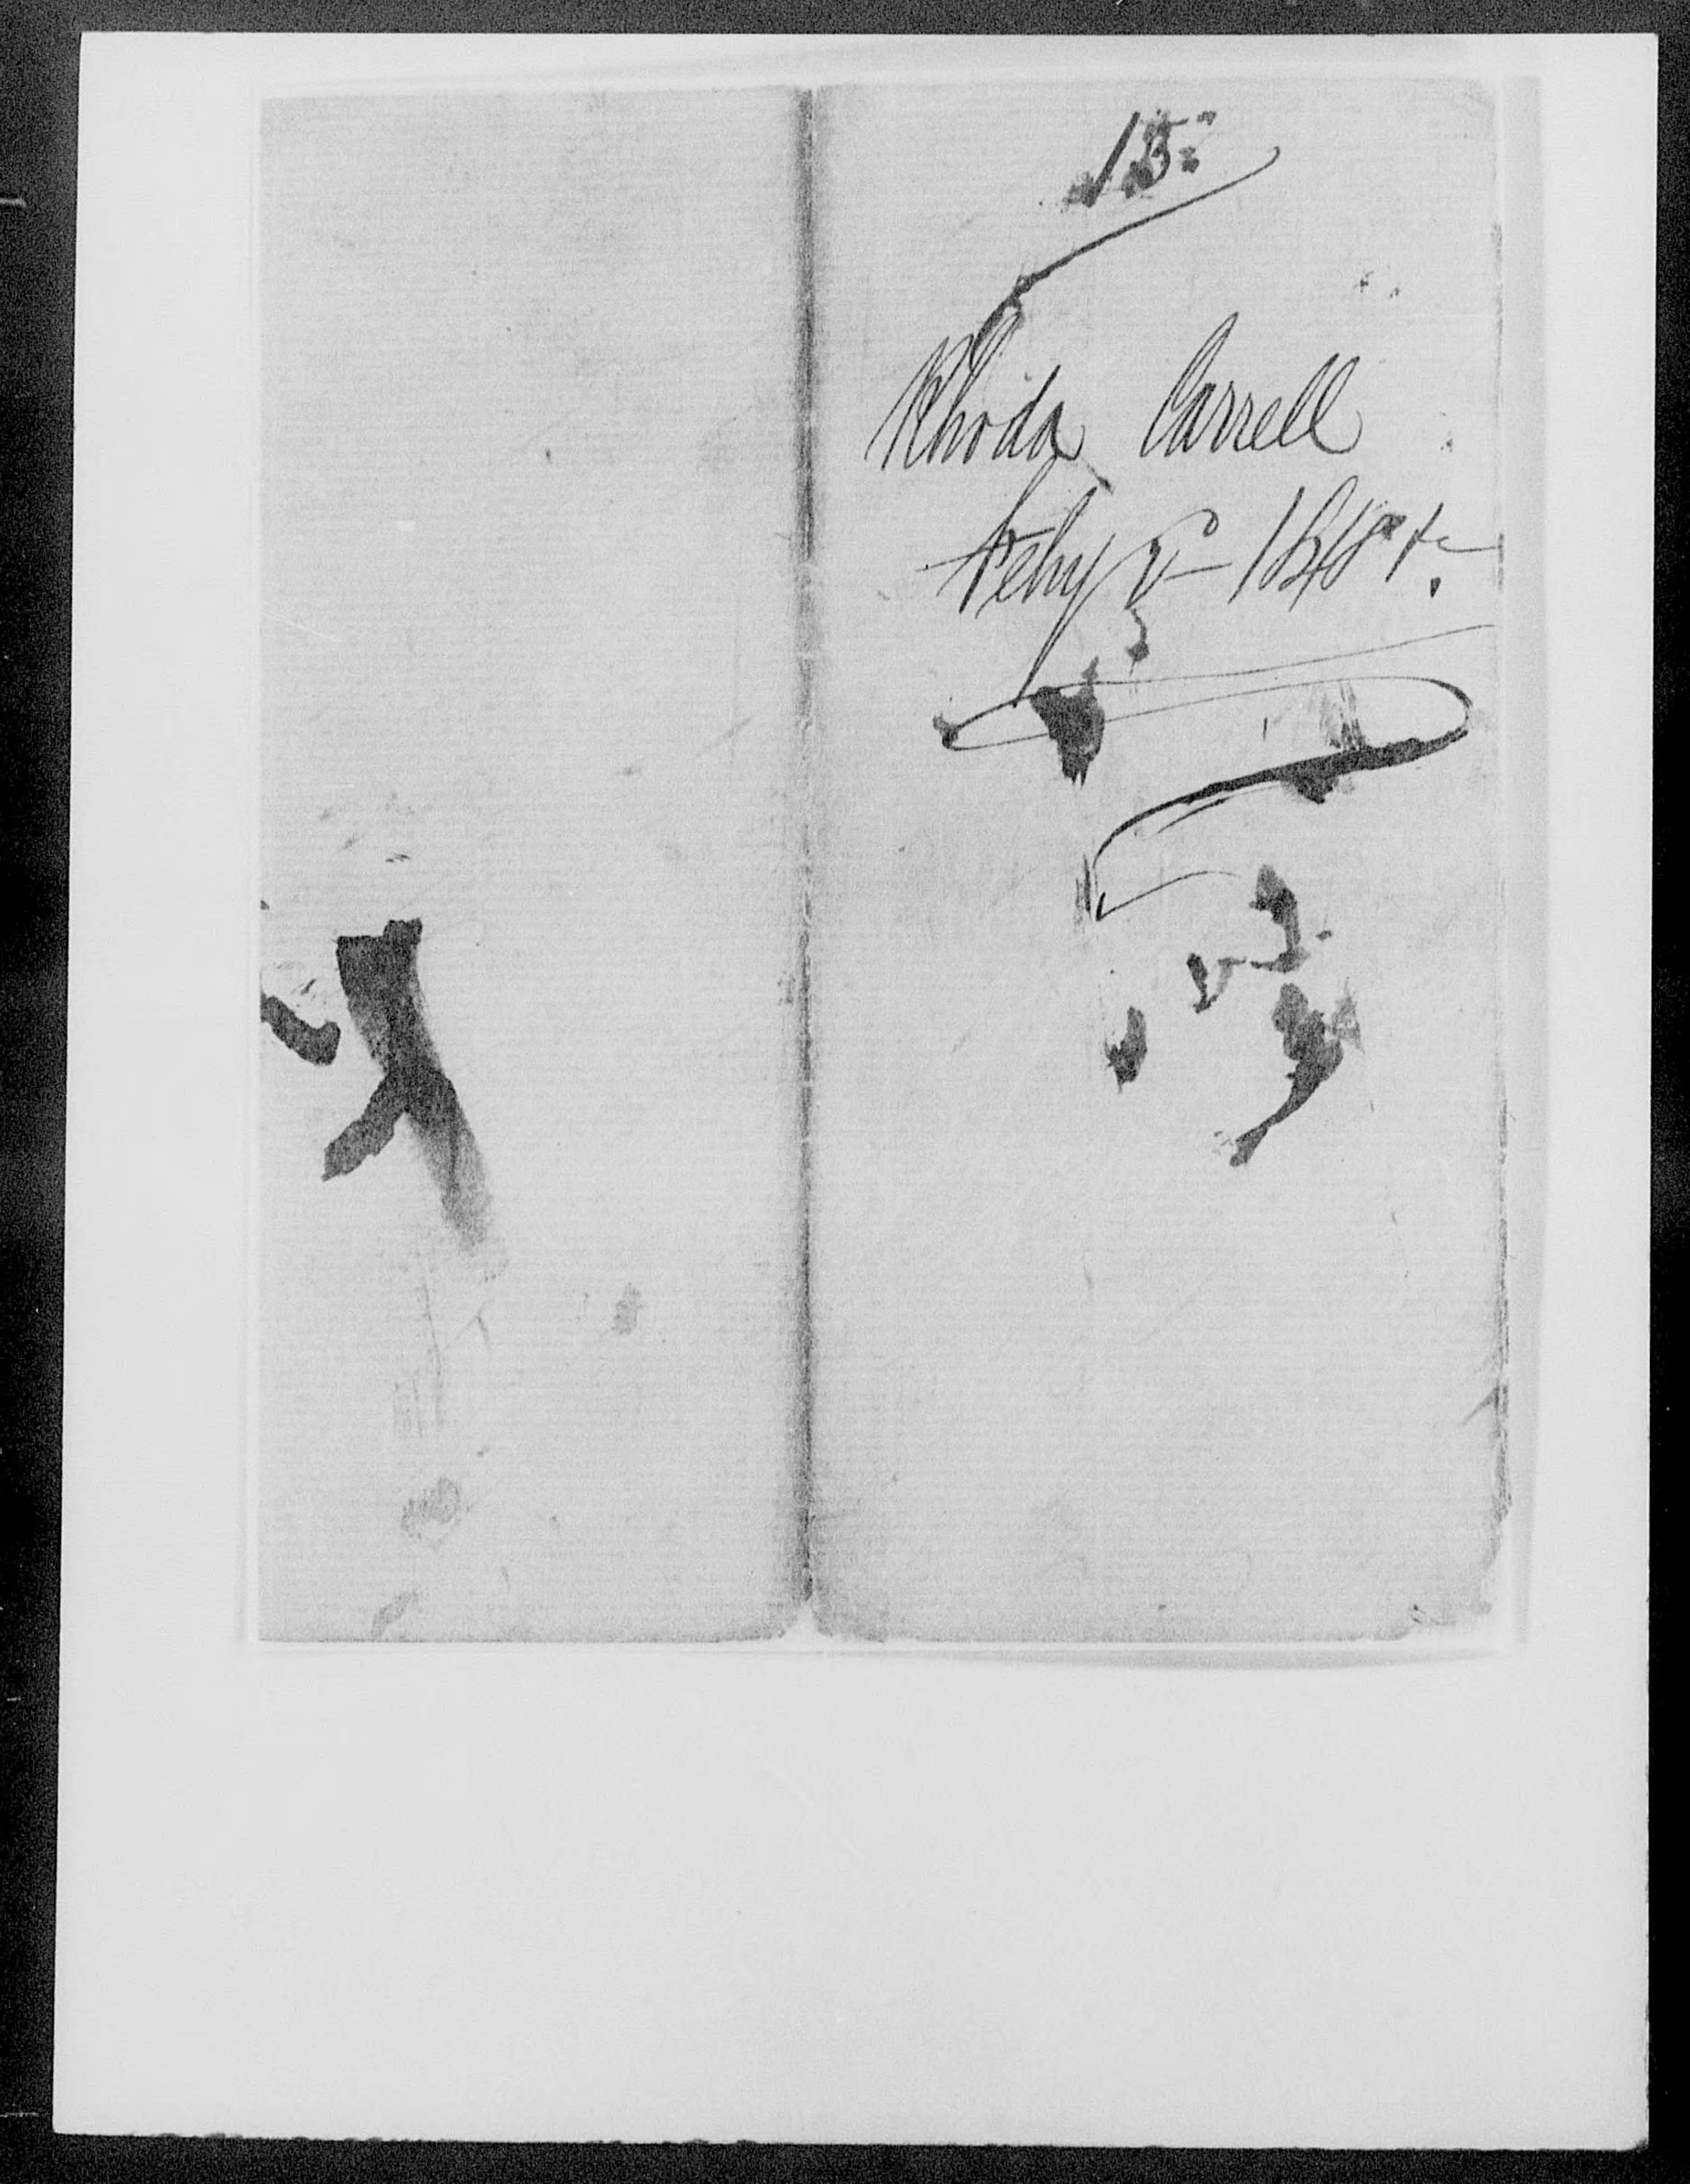15.

Rhoda Carrell

Feby 2 1848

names: Rhoda Carrell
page: 64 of 86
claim: widow's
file: W. 6899, James Carrell, N.C.